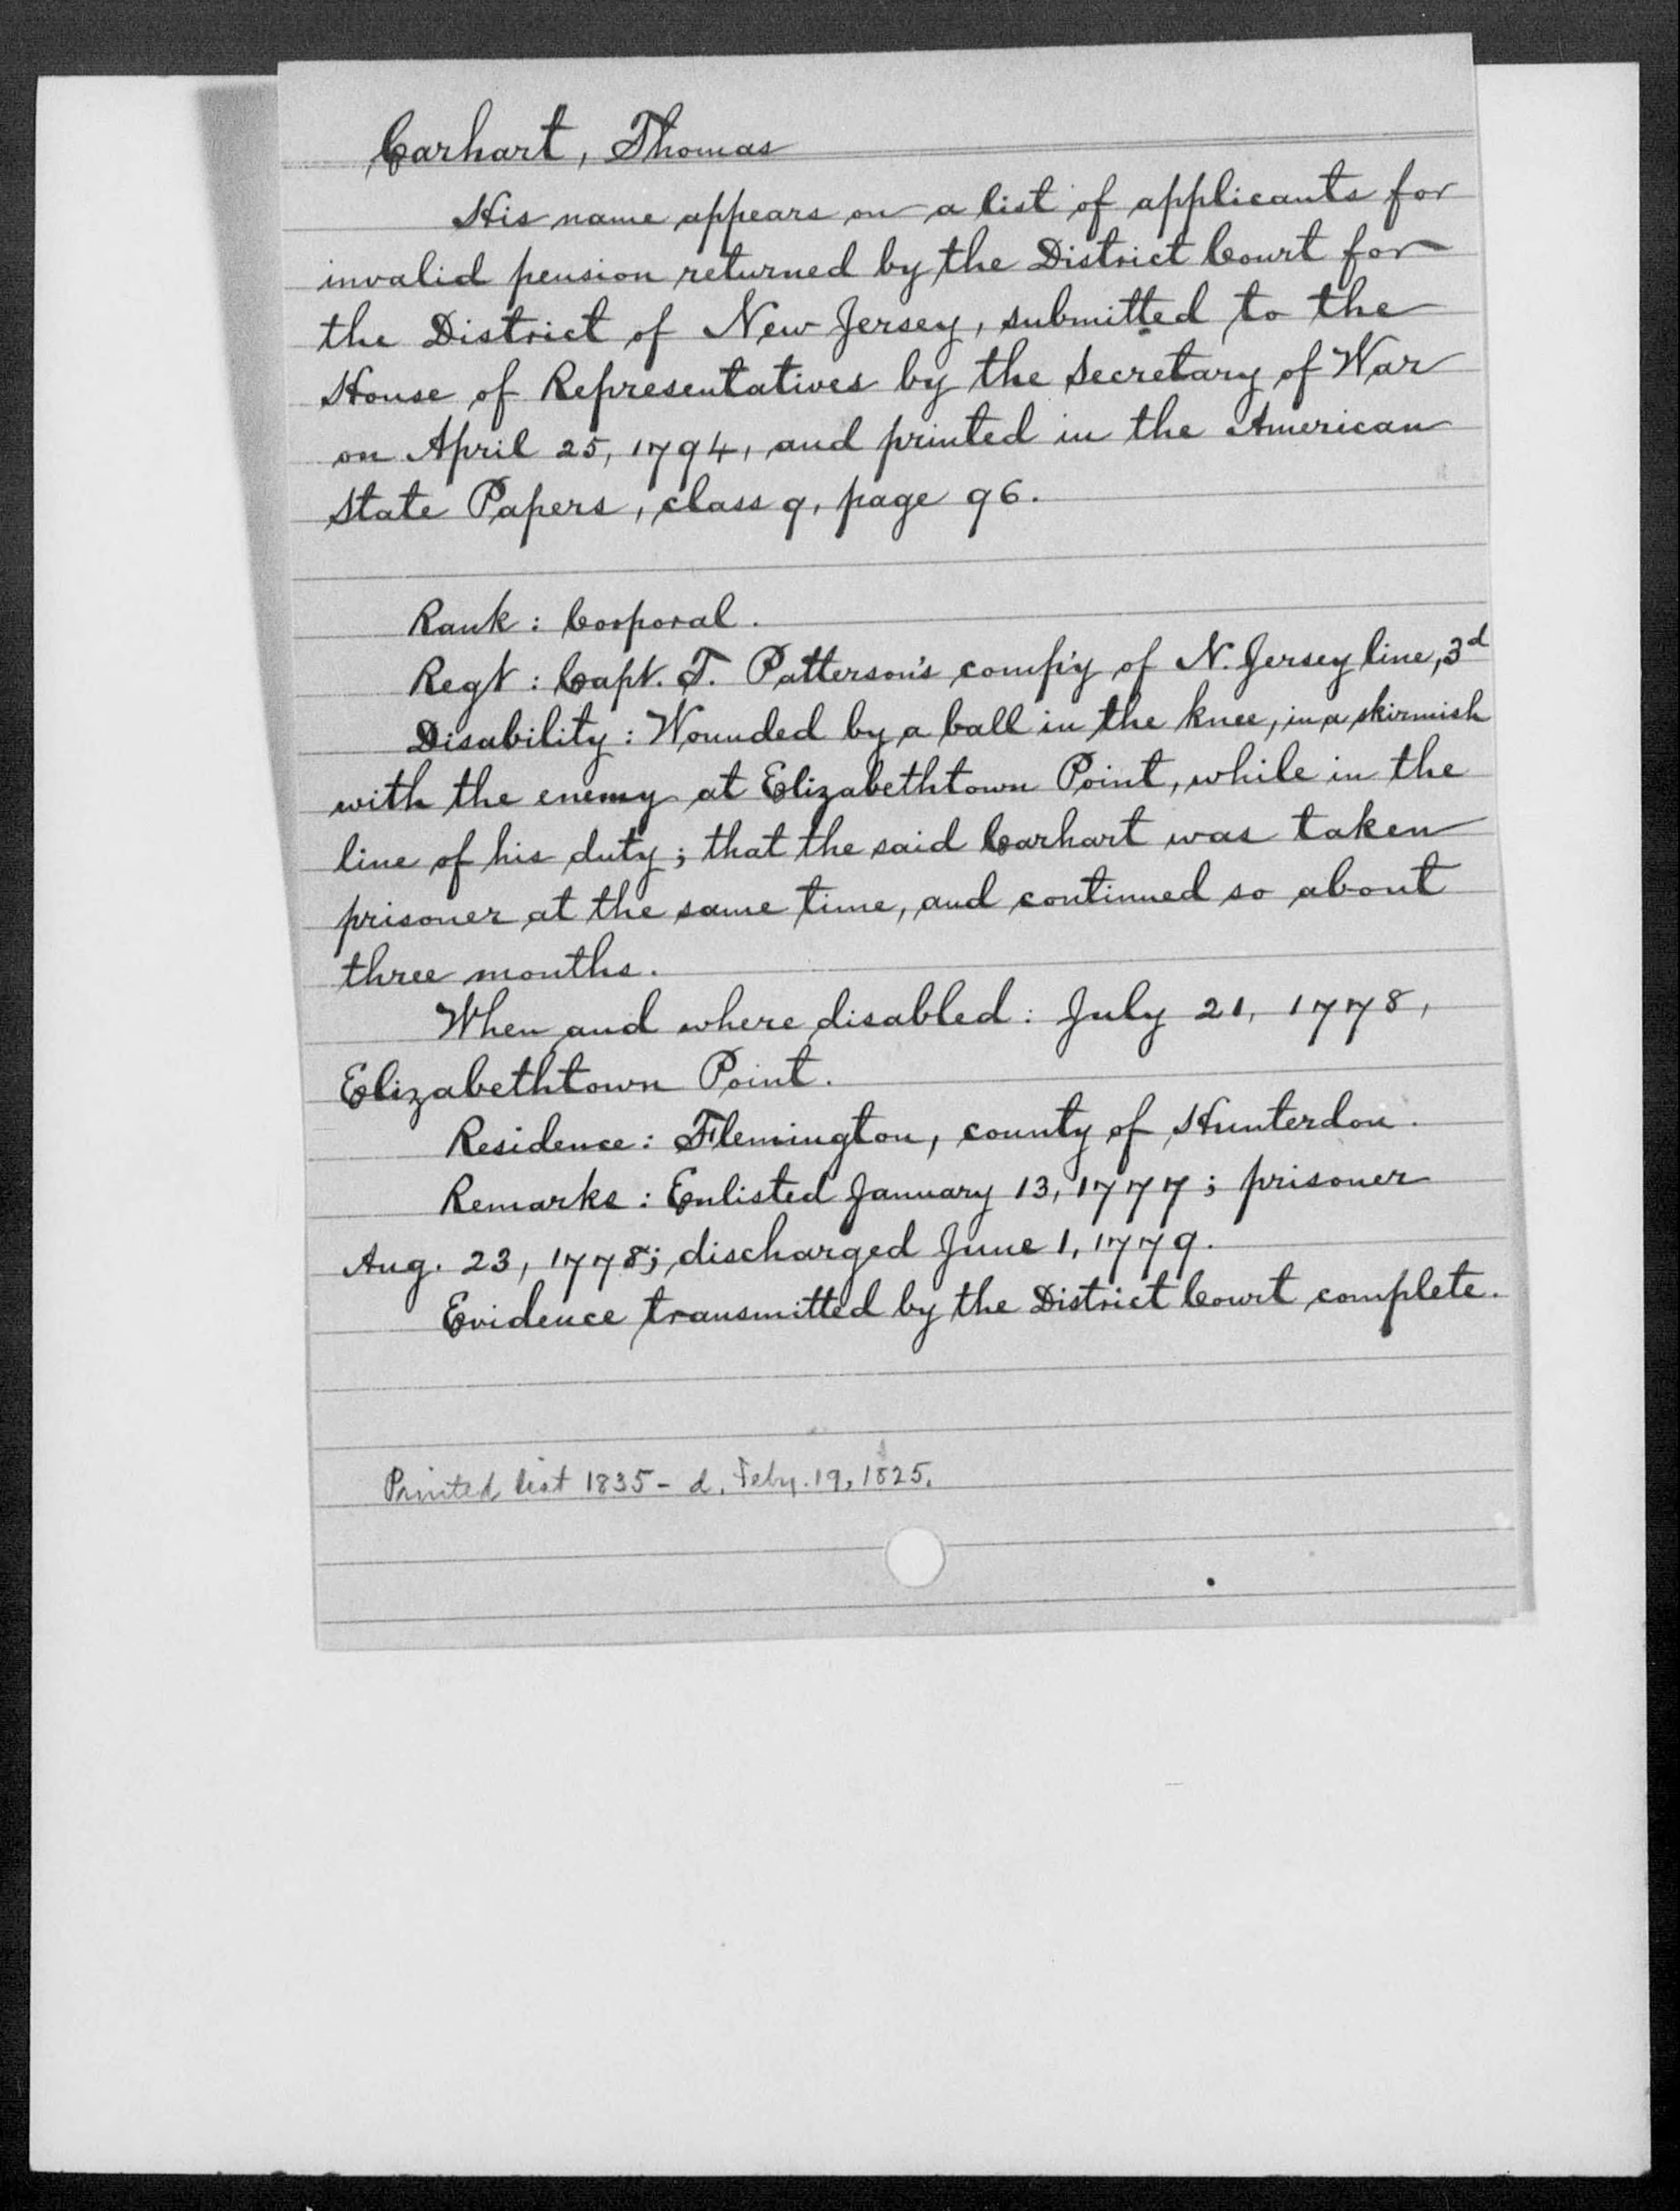Carhart, Thomas
     His name appears on a list of applicants for invalid pension returned by the District Court for the District of New Jersey, submitted to the House of Representatives by the Secretary of War on April 25, 1794, and printed in the American State Papers, class 9, page 96.

Rank: Corporal
Regt: Capt. T. Patterson's company of N. Jersey line, 3rd 
Disability: Wounded by a ball in the knee, in a skirmish with the enemy at Elizabethtown Point, while in the line of his duty; that the said Carhart was taken prisoner at the same time, and continued so about three months.
When and where disabled: July 21, 1778, Elizabethtown Point.
Residence: Flemington, county of Hunterdon.
Remarks: Enlisted January 13, 1777; prisoner Aug. 23, 1778; discharged June 1, 1779.
Evidence transmitted by the District Court, complete.

There is a note at the bottom of the page that reads:

Printed, list 1835 - d. Feby 19, 1825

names: Carhart Thomas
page: 2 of 7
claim: survivor's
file: S. 483, Thomas Carhart, New Jersey